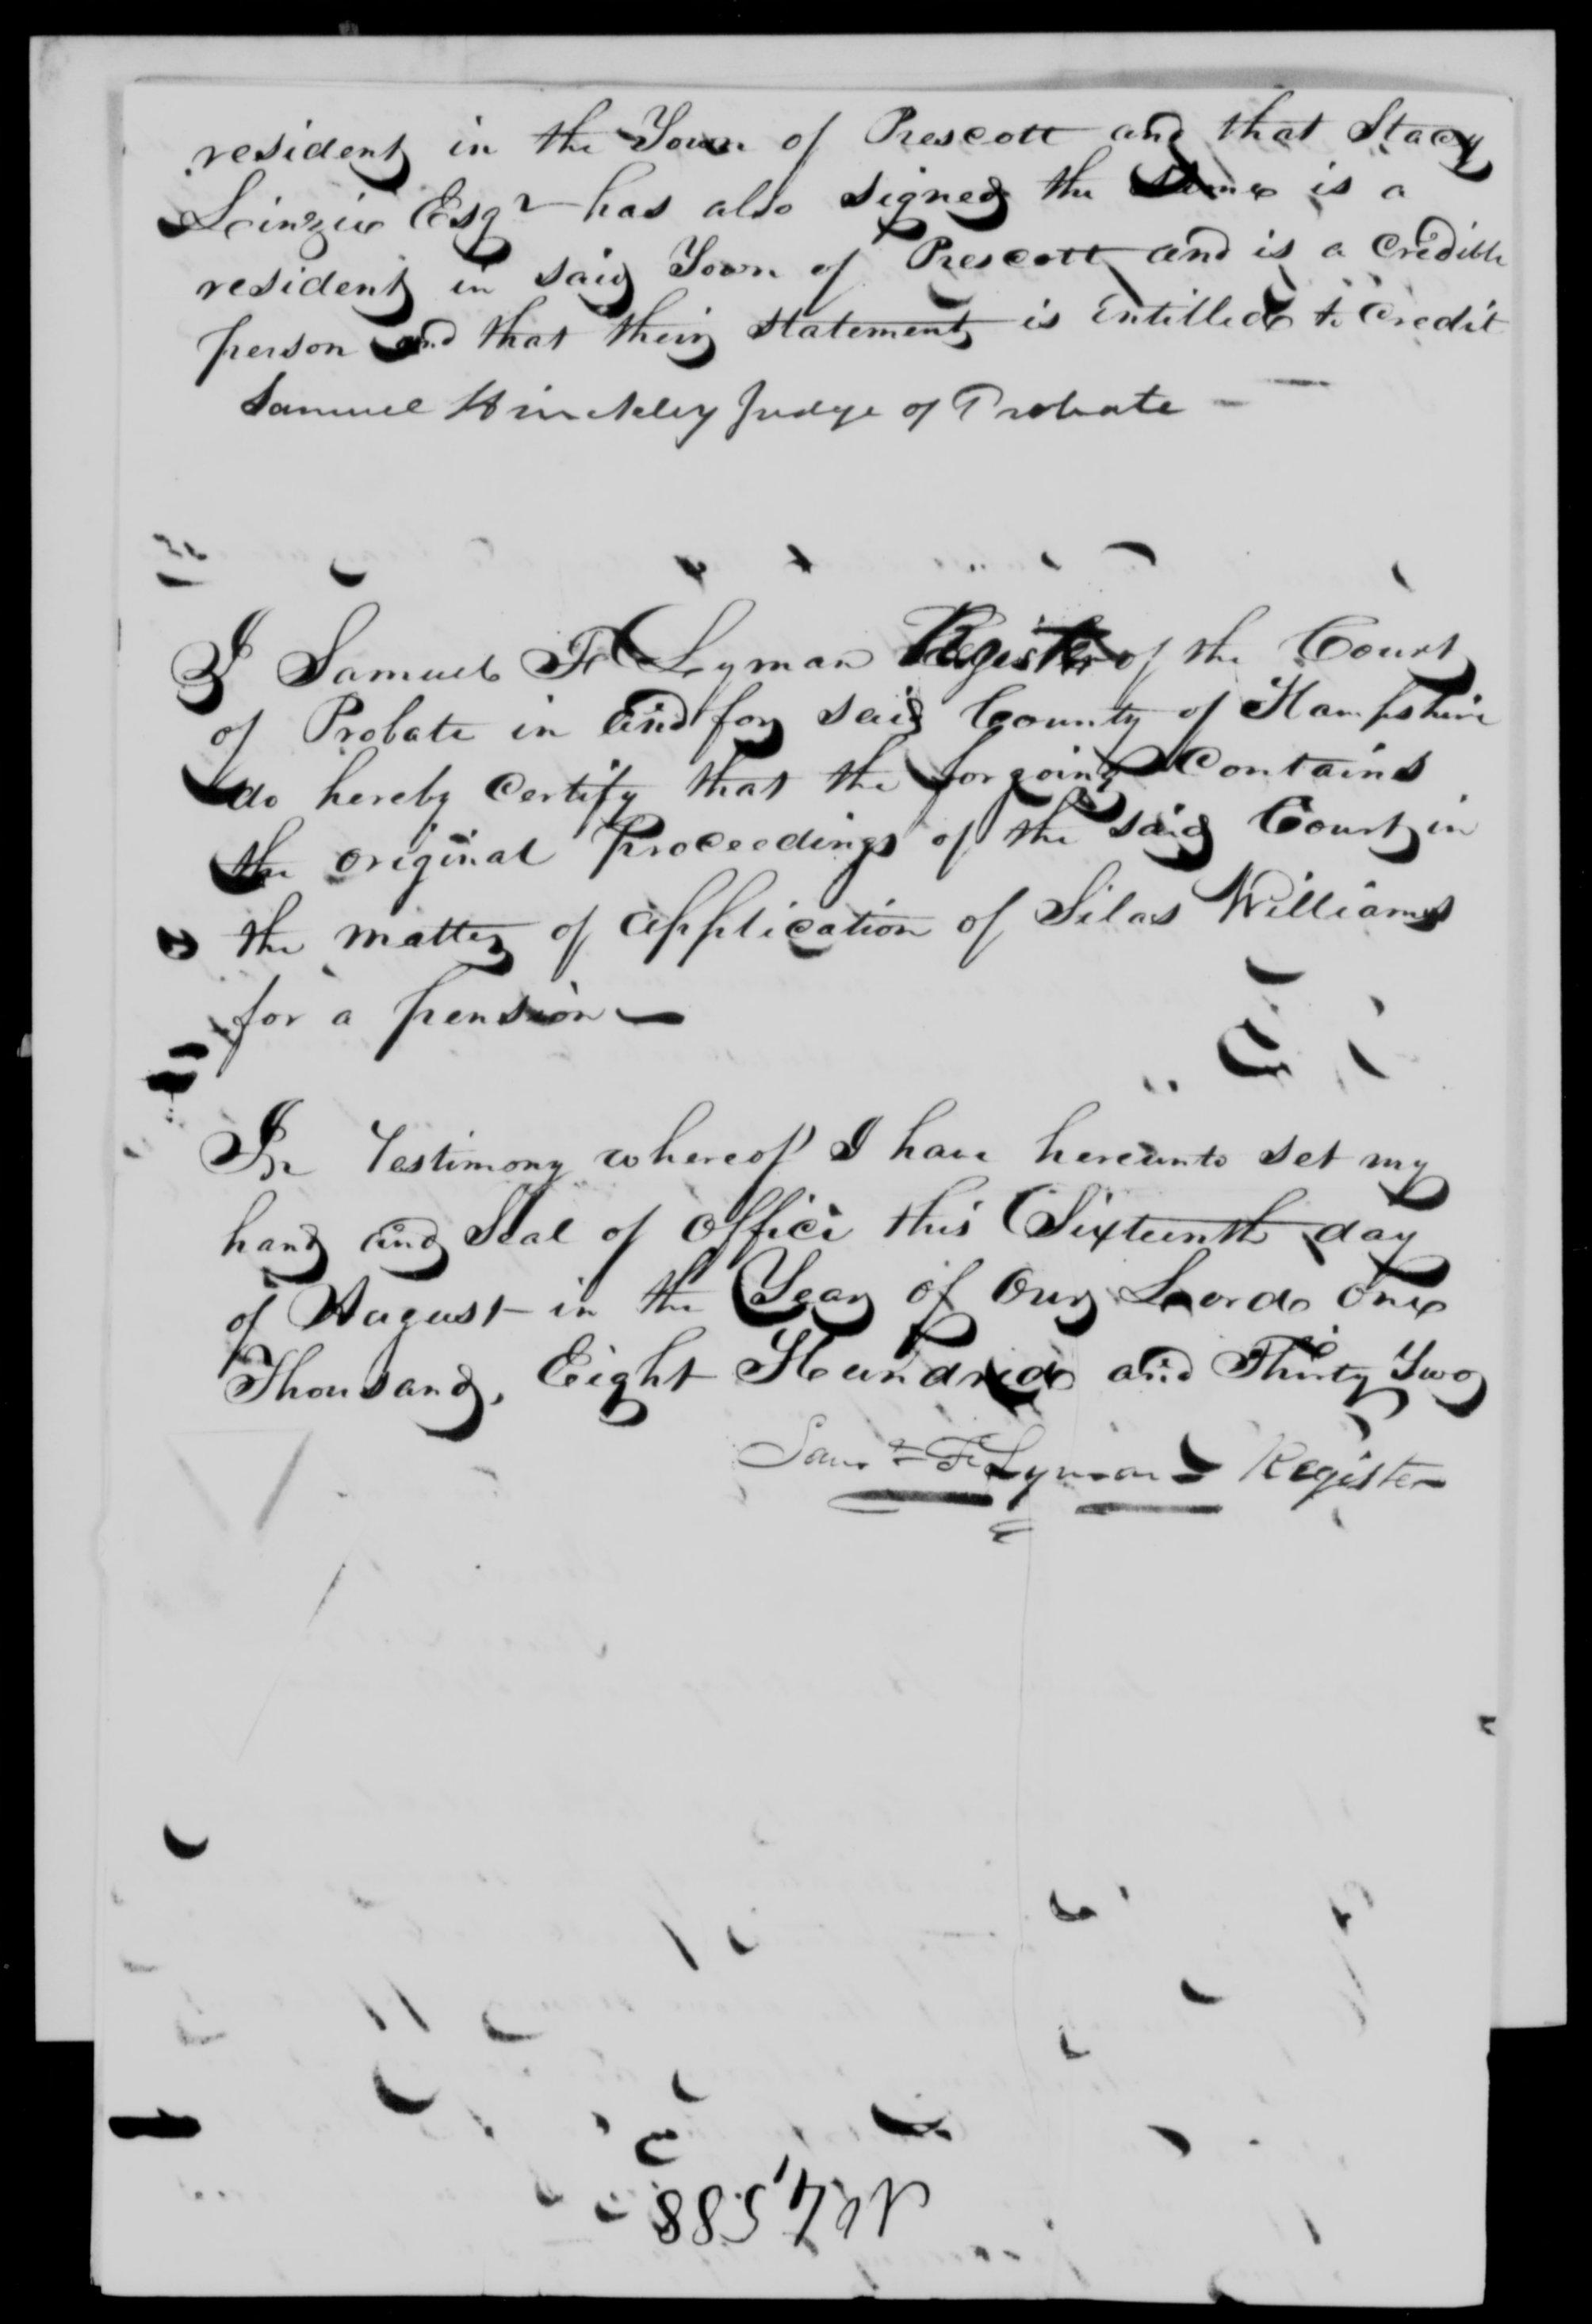resident in the town of Prescott and that Stacy Linzie Esqr has also signed the same is a resident in said town of Prescott and is a credible person and that their statement is entitled to credit
Samuel Hinckley Judge of Probate
I Samuel F Lyman Register of the court of Probate in and for said county of Hampshire do hereby certify that the forgoing contains the original proceedings of the said court in the matter of application of Silas Williams for a pension
In Testimony whereof I have hereunto set my hand and seal of office this Sixteenth day of August in the Year of our Lord one Thousand Eight Hundred and Thirty Two
Saml F Lyman Register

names: Silas Williams, Samuel F Lyman, Samuel Hinckley, Stacy Linzie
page: 8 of 20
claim: survivor's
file: S. 11778, Silas Williams, Mass.